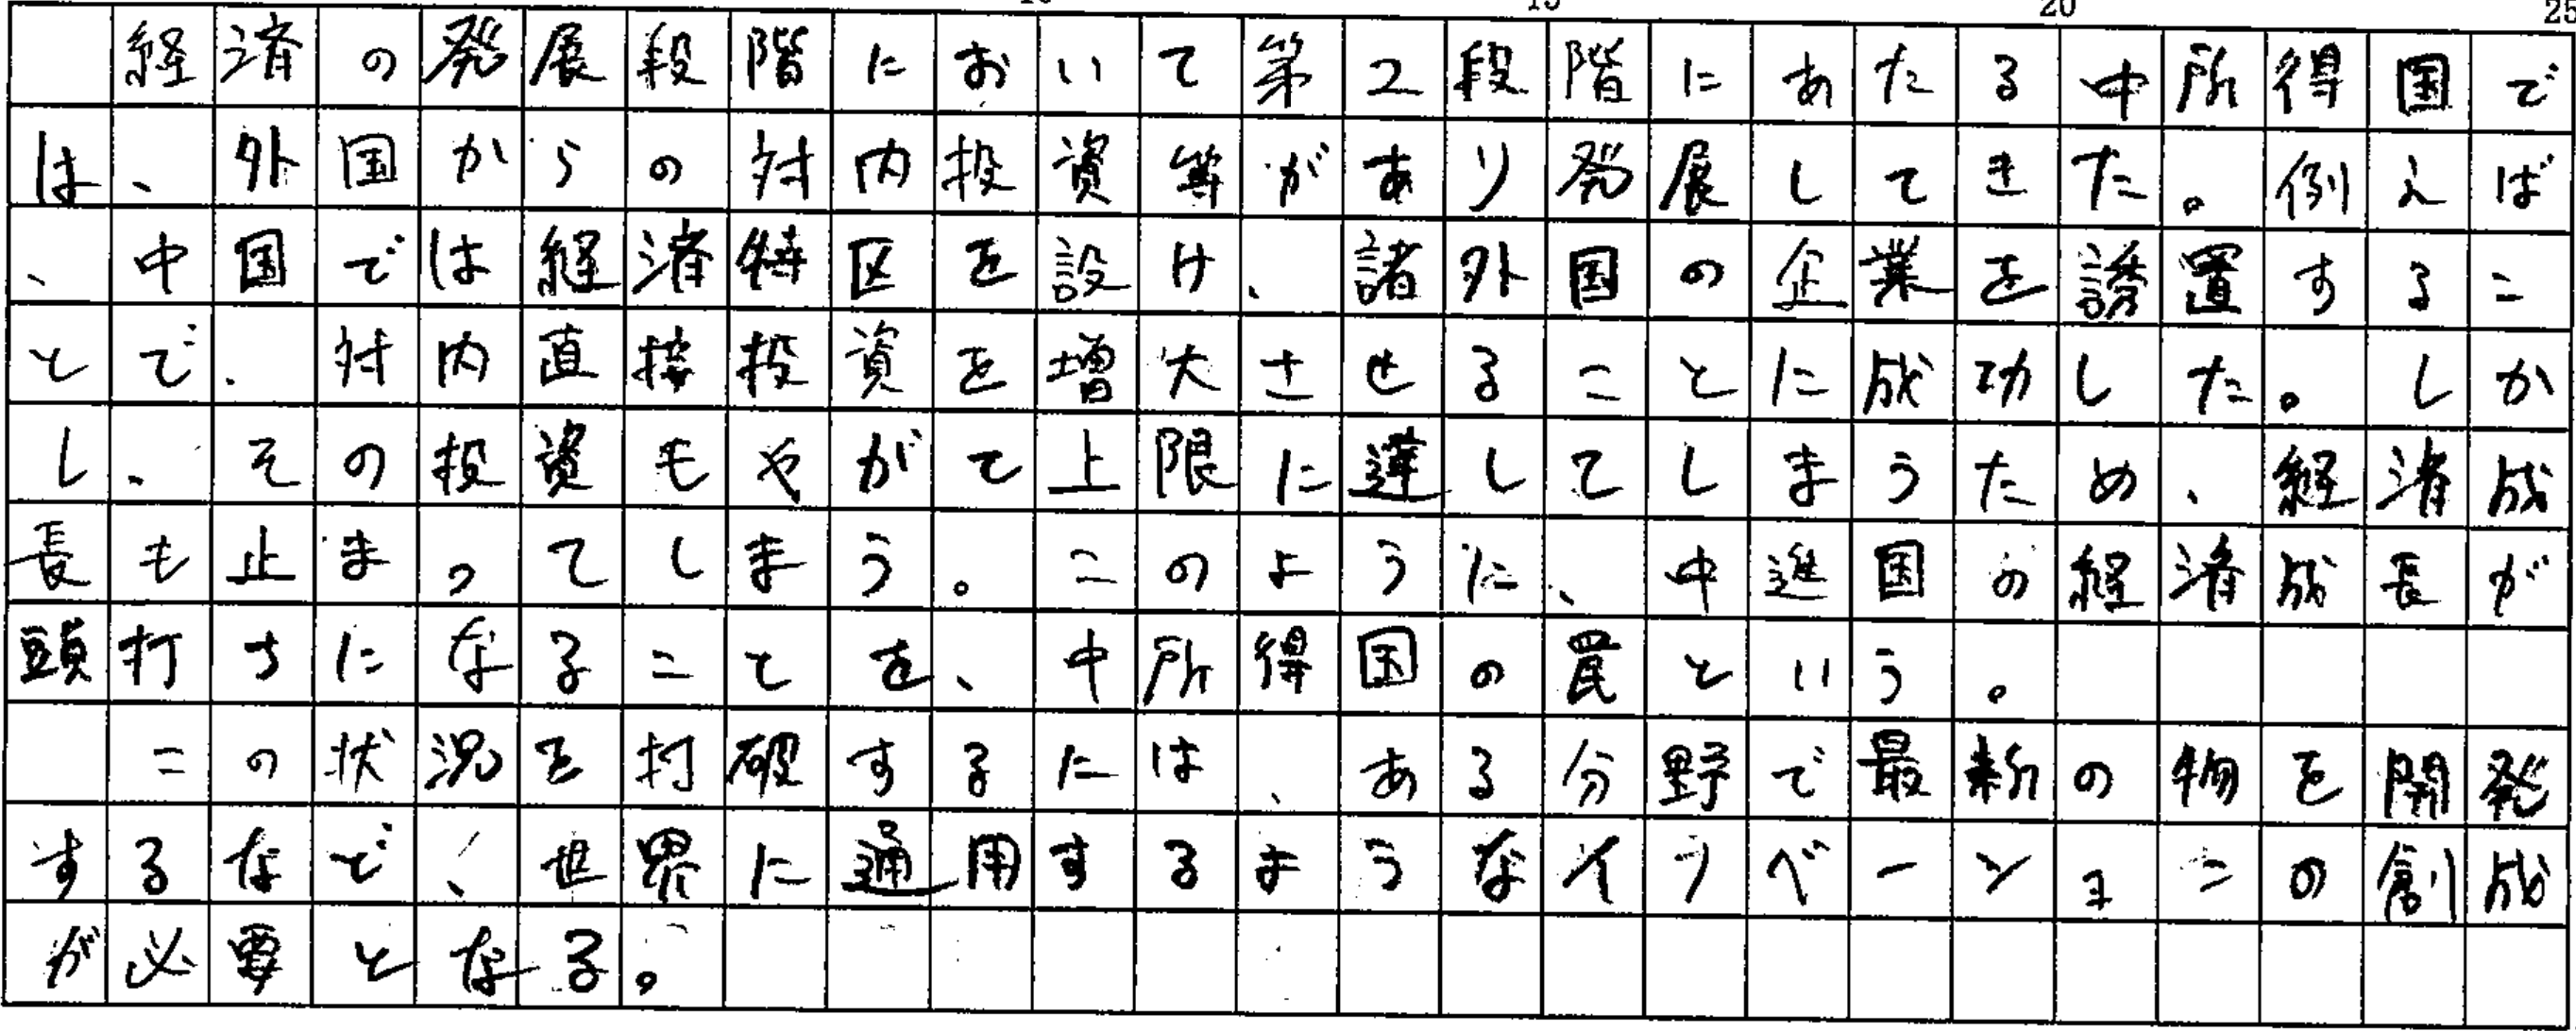　経済の発展段階において第２段階にあたる中所得国では、外国からの対内投資等があり発展してきた。例えば、中国では経済特区を設け、諸外国の企業を誘置することで、対内直接投資を増大させることに成功した。しかし、その投資もやがて上限に達してしまうため、経済成長も止まってしまう。このように、中進国の経済成長が頭打ちになることを、中所得国の罠という。
　この状況を打破するには、ある分野で最新の物を開発するなど、世界に通用するようなイノベーションの創成が必要となる。
